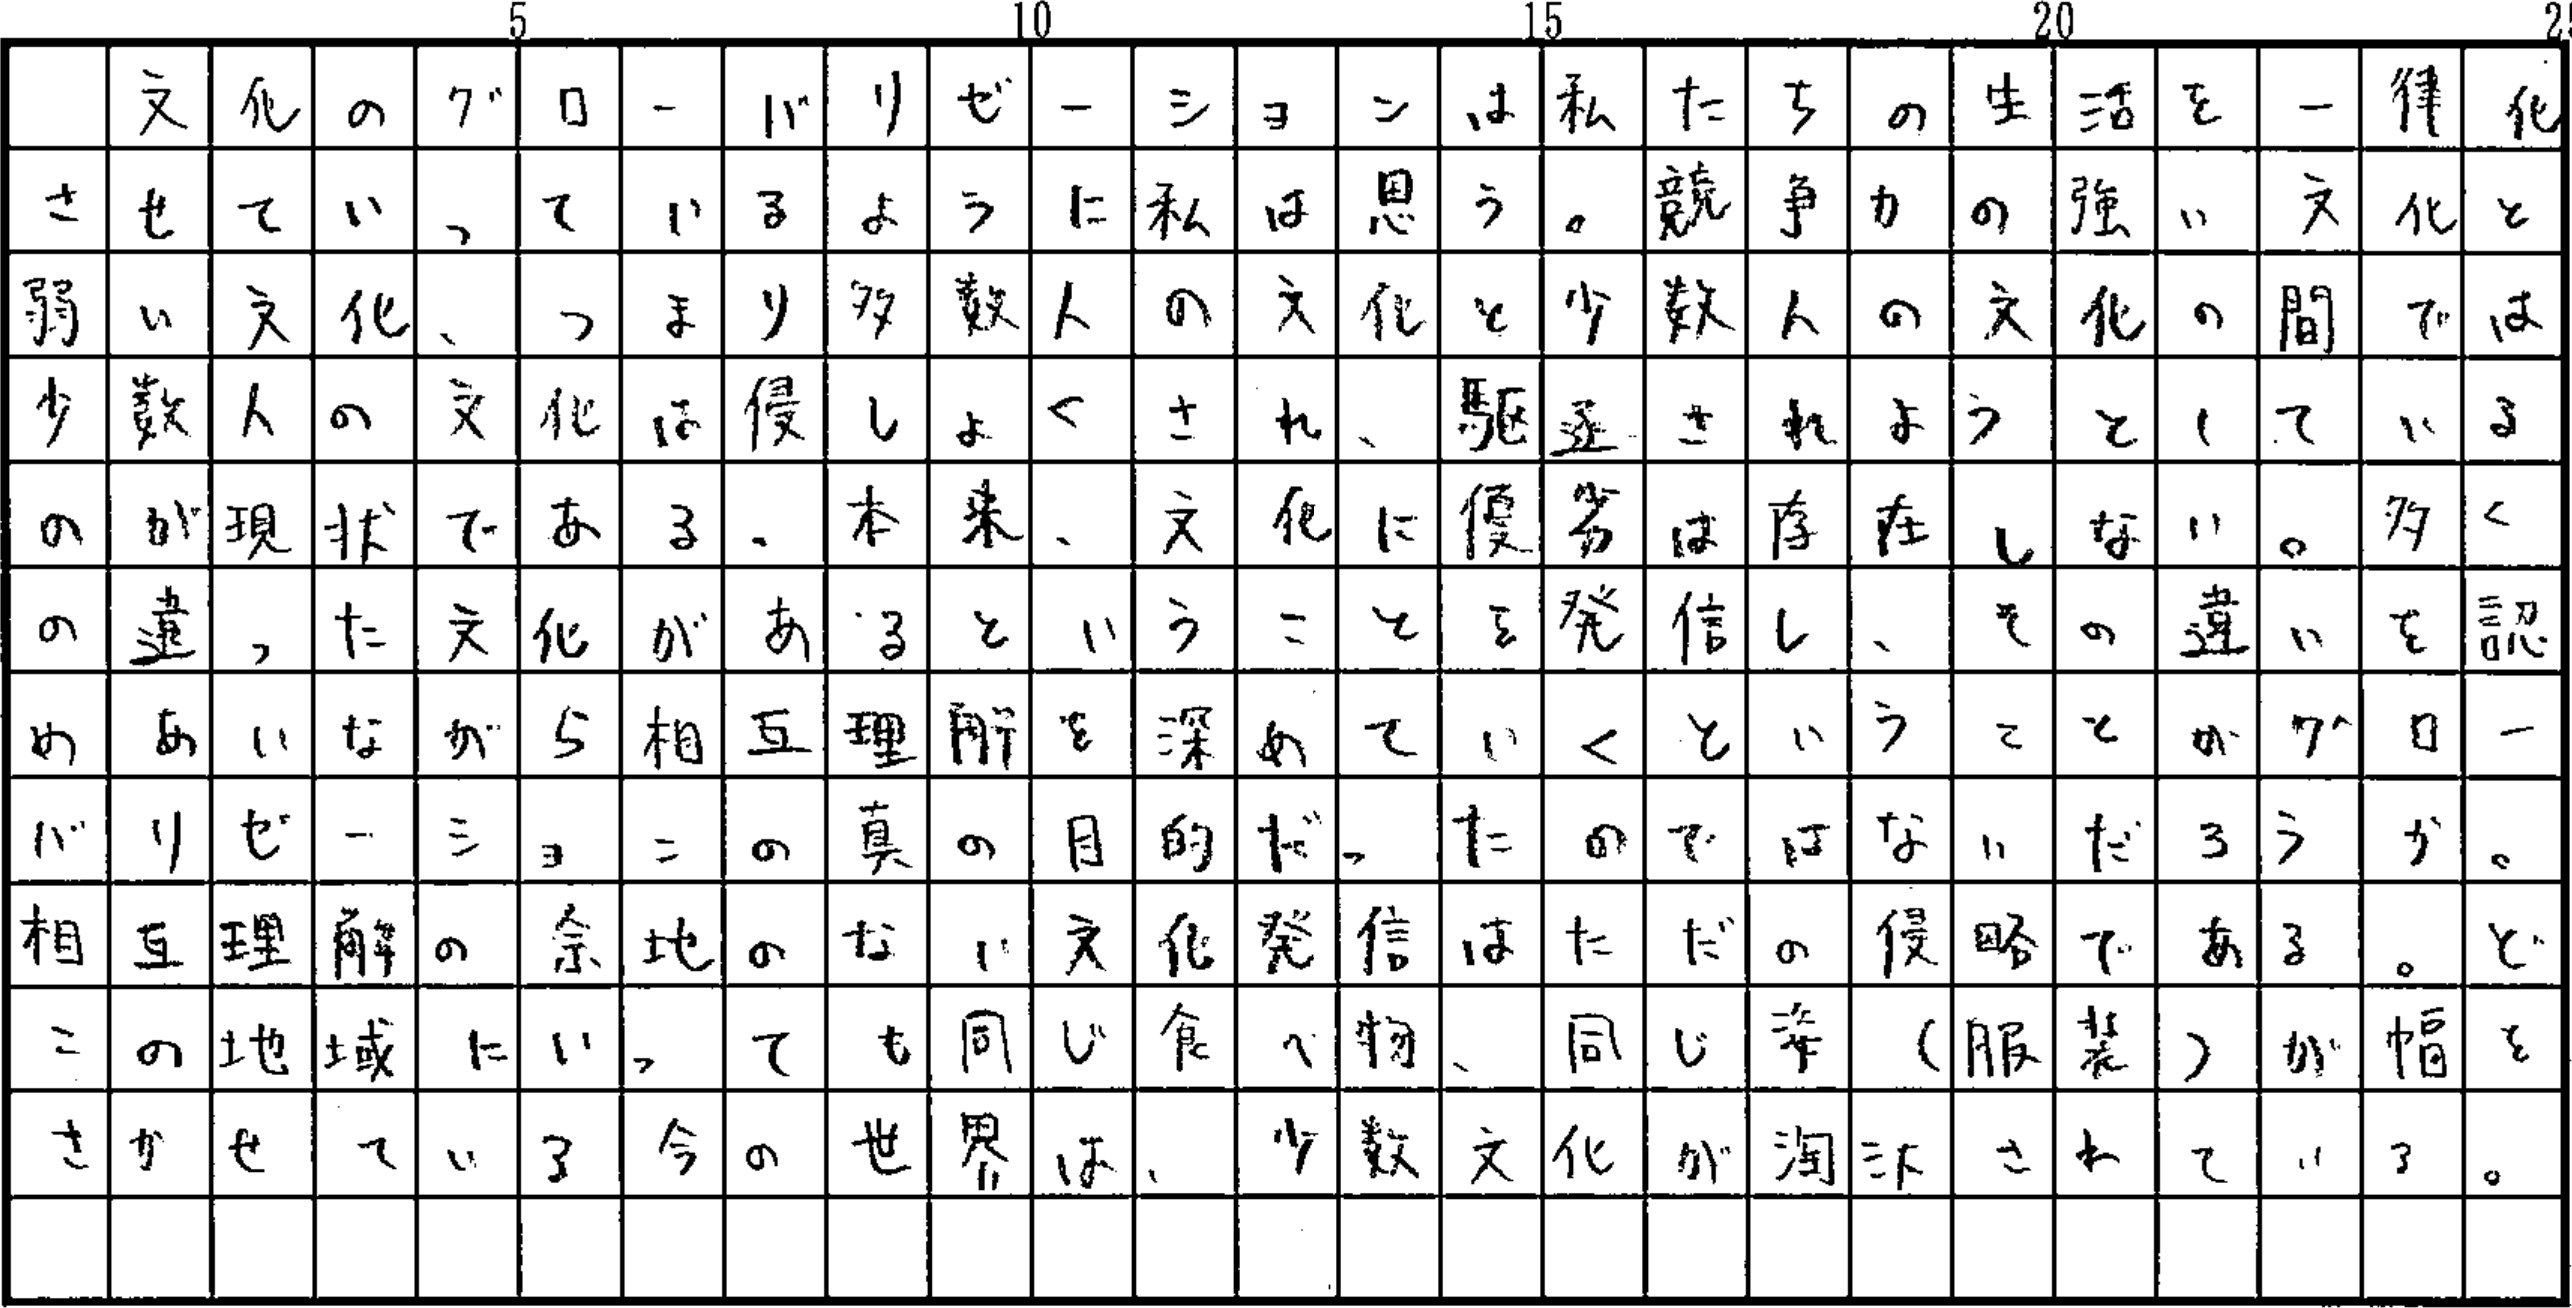　文化のグローバリゼーションは私たちの生活を一律化させていっているように私は思う。競争力の強い文化と弱い文化、つまり多数人の文化と少数人の文化の間では少数人の文化は侵しょくされ、駆逐されようとしているのが現状である。本来、文化に優劣は存在しない。多くの違った文化があるということを発信し、その違いを認めあいながら相互理解を深めていくということがグローバリゼーションの真の目的だったのではないだろうか。相互理解の余地のない文化発信はただの侵略である。どこの地域にいっても同じ食べ物、同じ姿（服装）が幅をきかせている今の世界は、少数文化が淘汰されている。
